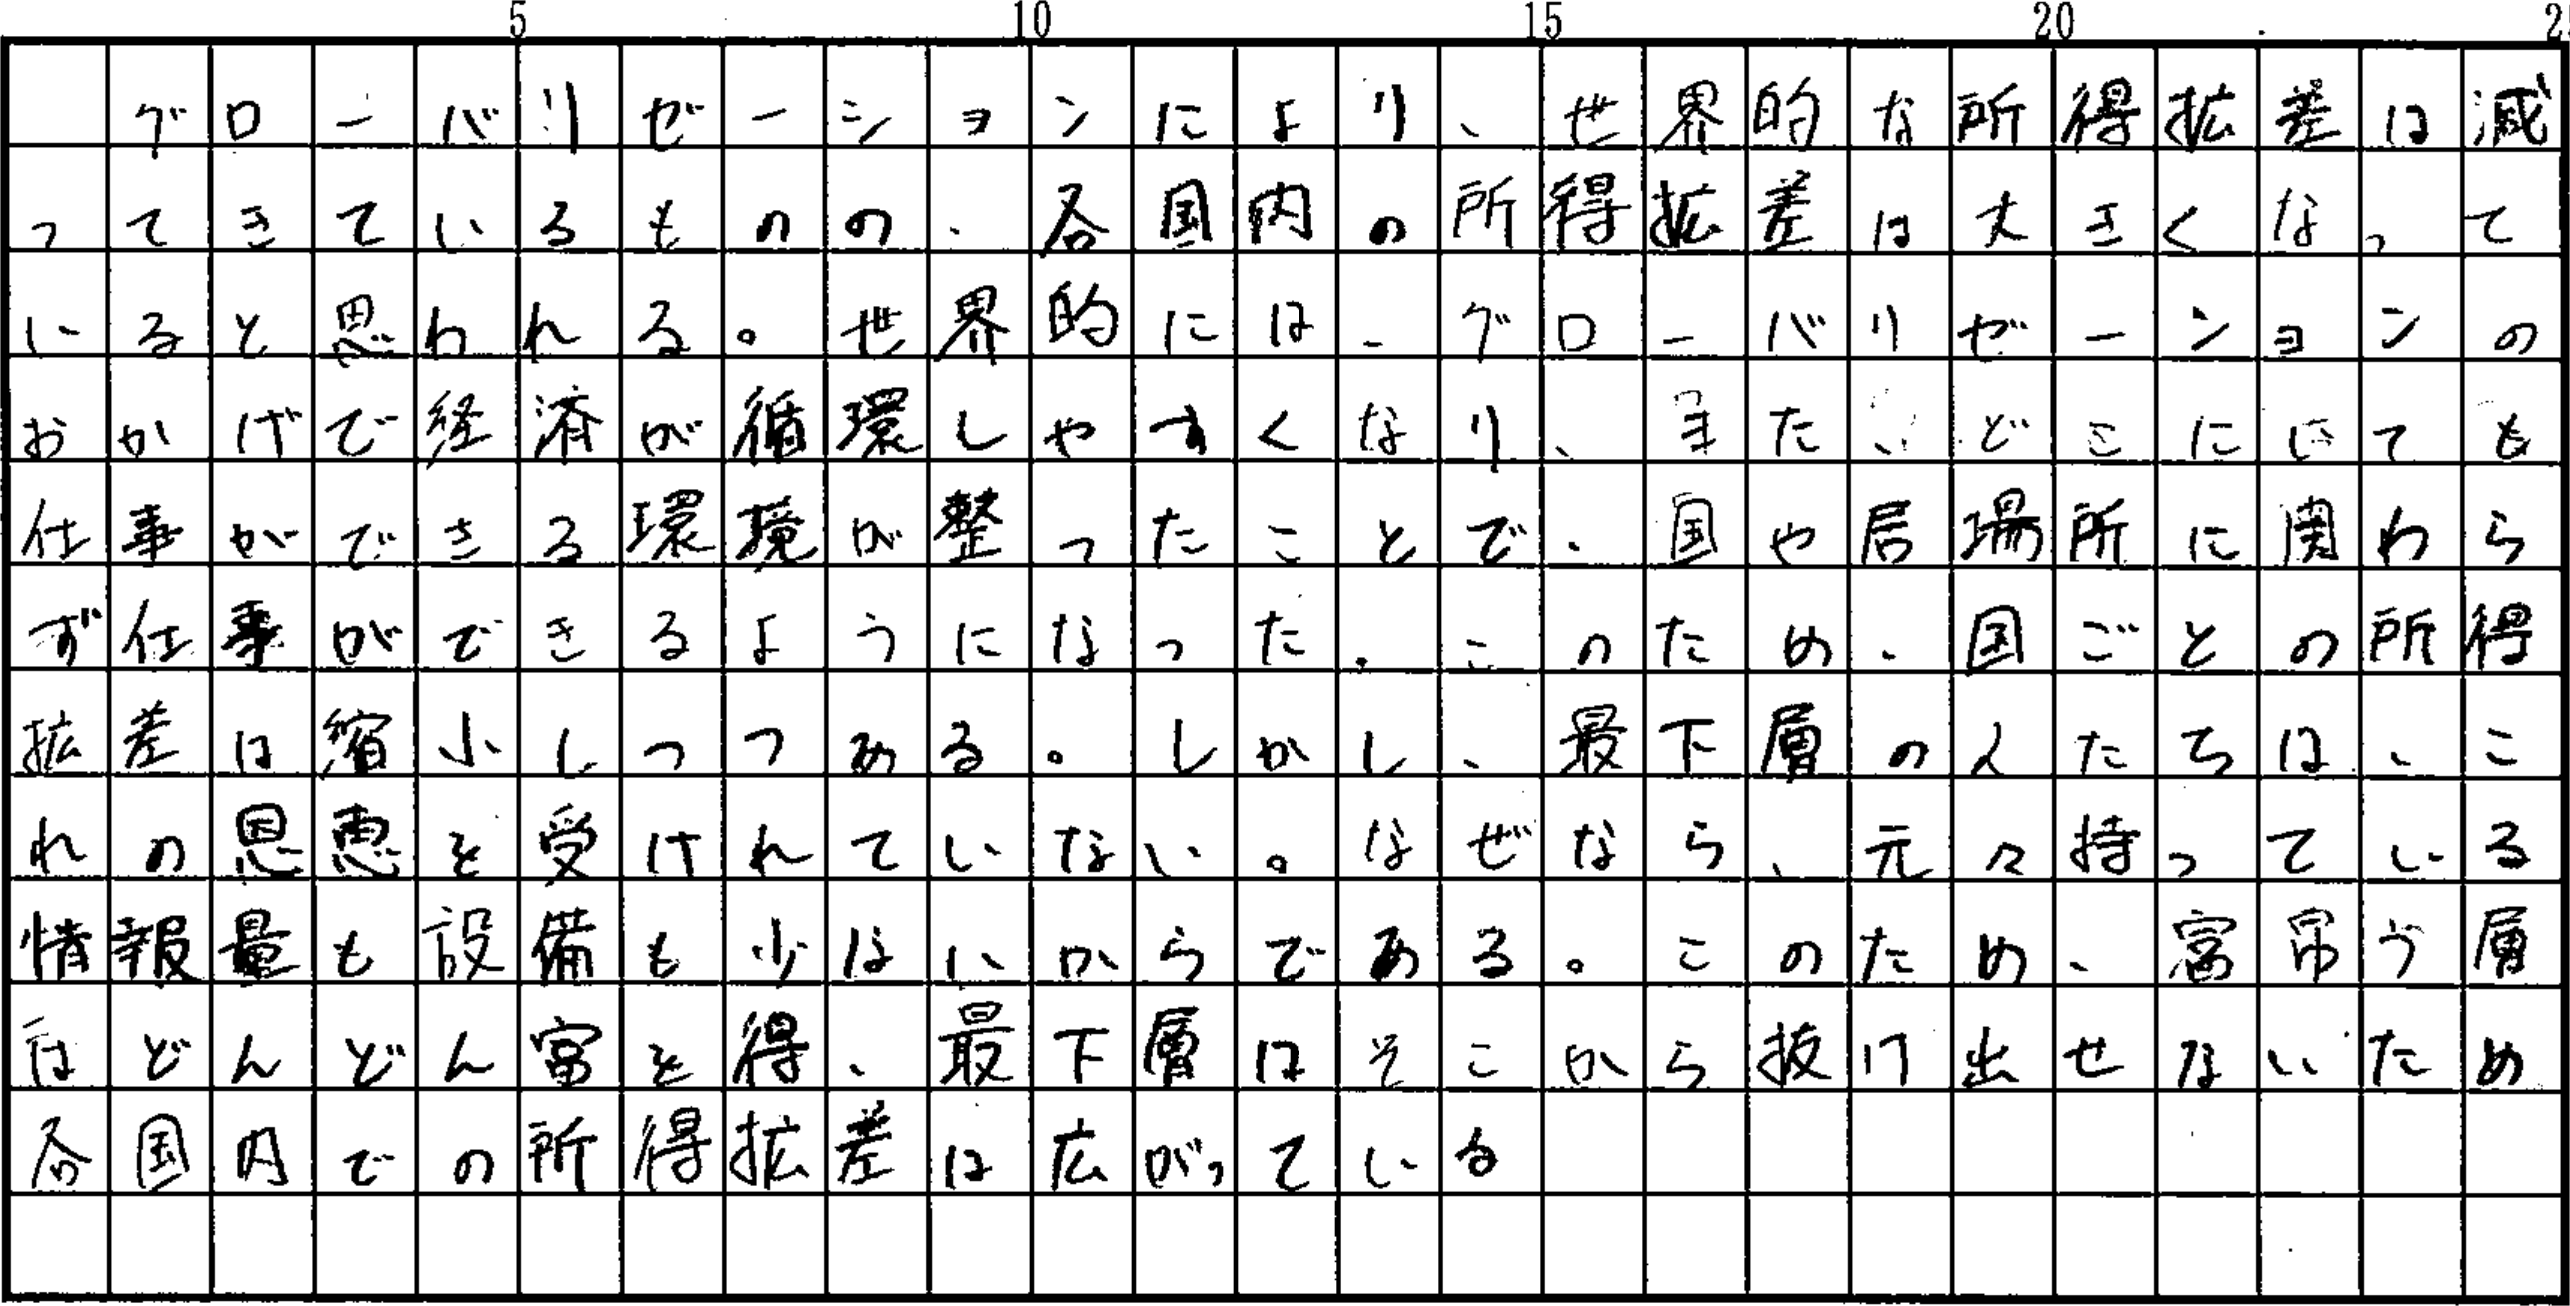　グローバリゼーションにより、世界的な所得拡差は減ってきているものの、各国内の所得拡差は大きくなっていると思われる。世界的には、グローバリゼーションのおかげで経済が循環しやすくなり、また、どこにいても仕事ができる環境が整ったことで、国や居場所に関わらず仕事ができるようになった。このため、国ごとの所得拡差は縮小しつつある。しかし、最下層の人たちは、これの恩恵を受けれていない。なぜなら、元々持っている情報量も設備も少ないからである。このため、富ゆう層はどんどん富を得、最下層はそこから抜け出せないため各国内での所得拡差は広がている。
